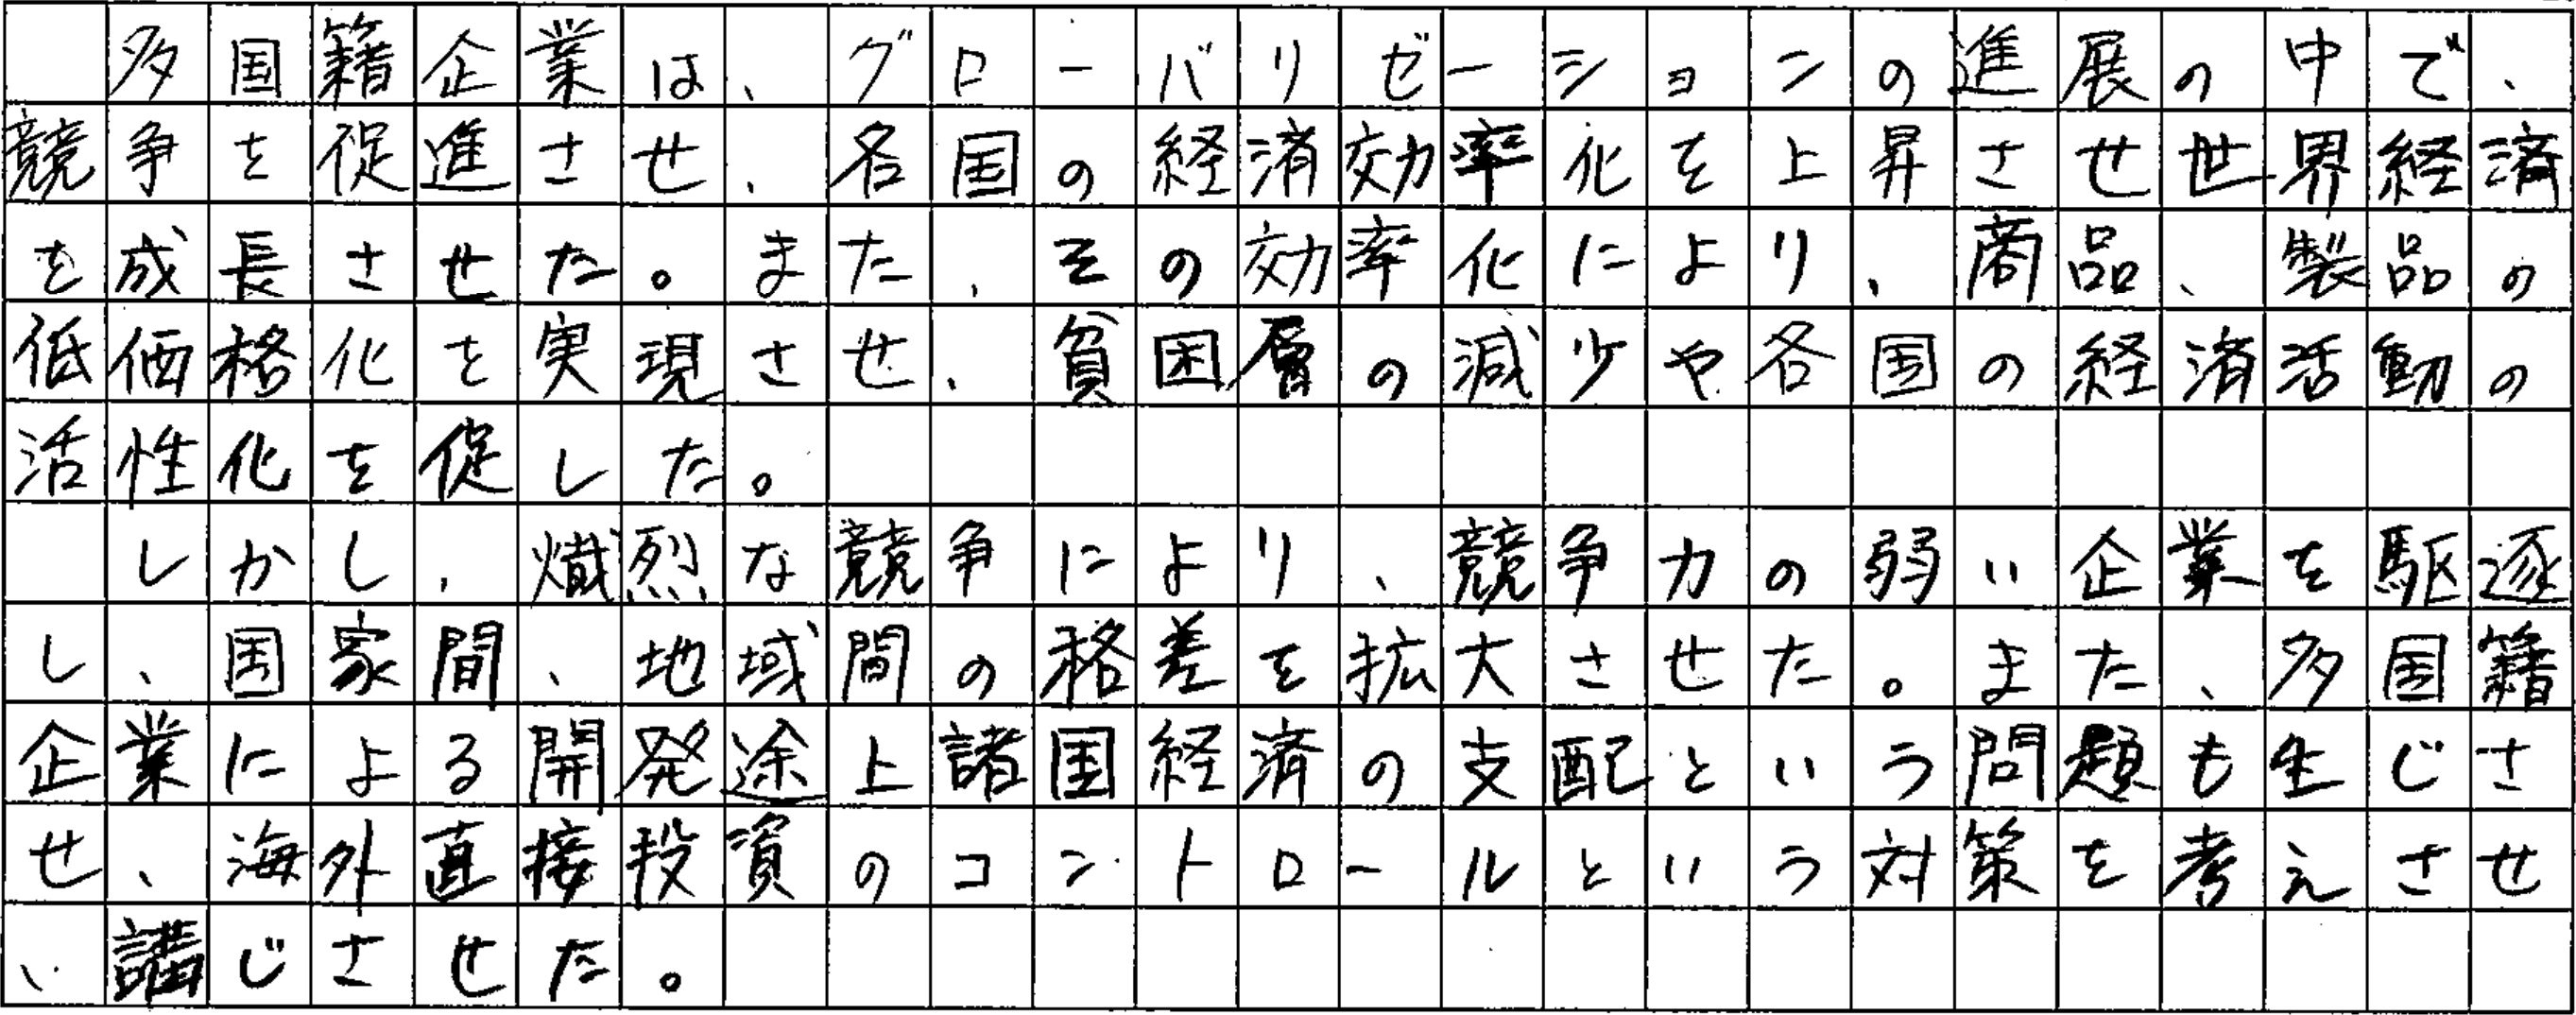　多国籍企業は、グローバリゼーションの進展の中で、競争を促進させ、各国の経済効率化を上昇させ世界経済を成長させた。また、その効率化により、商品、製品の低価格化を実現させ、貧困層の減少や各国の経済活動の活性化を促した。
　しかし、熾烈な競争により、競争力の弱い企業を駆逐し、国家間、地域間の格差を拡大させた。また、多国籍企業による開発途上諸国経済の支配という問題も生じさせ、海外直接投資のコントロールという対策を考えさせ、講じさせた。
